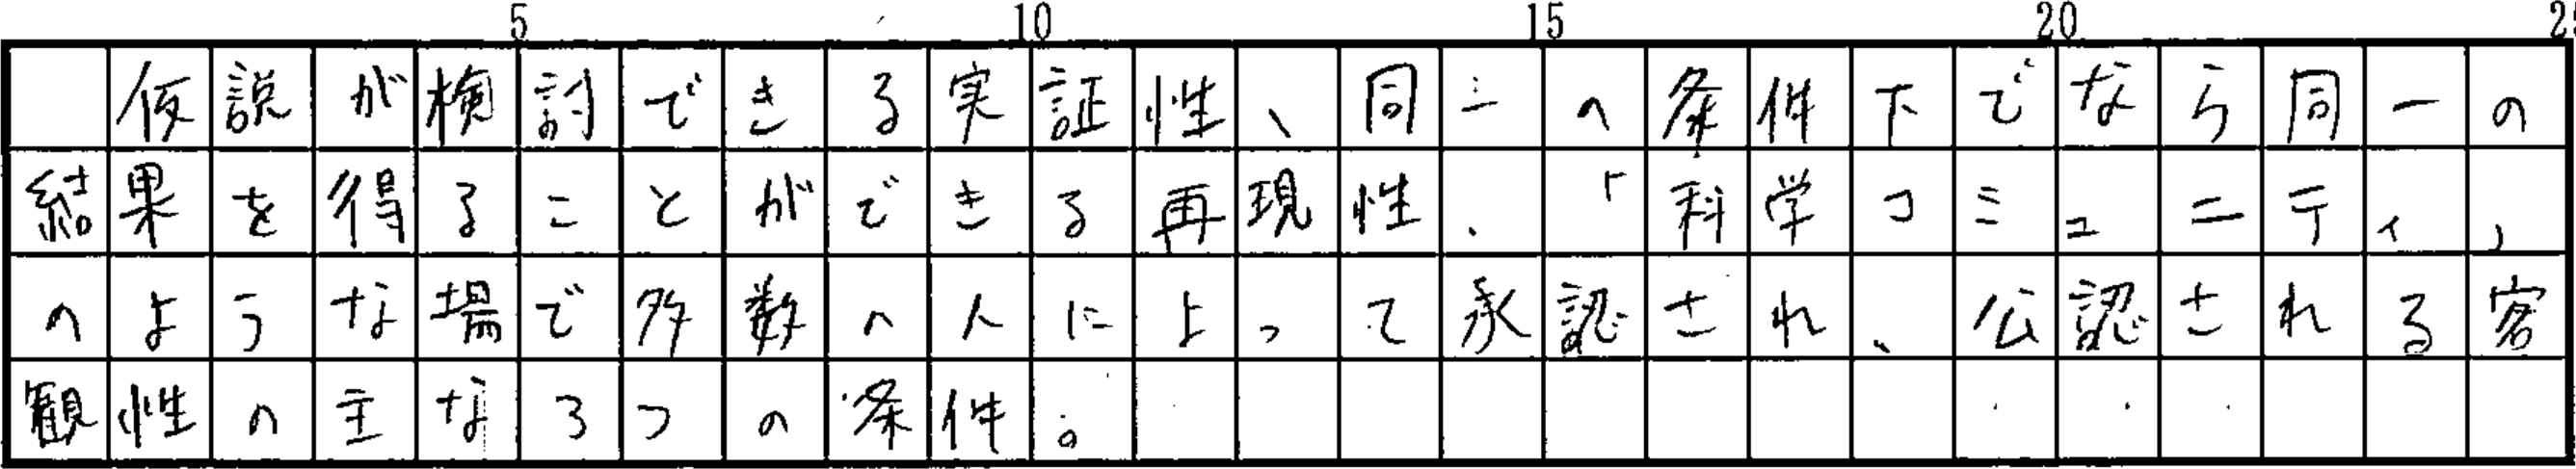　仮説が検討できる実証性、同一の条件下でなら同一の結果を得ることができる再現性、「科学コミュニティ」のような場で多数の人によって承認され、公認される客観性の主な３つの条件。
